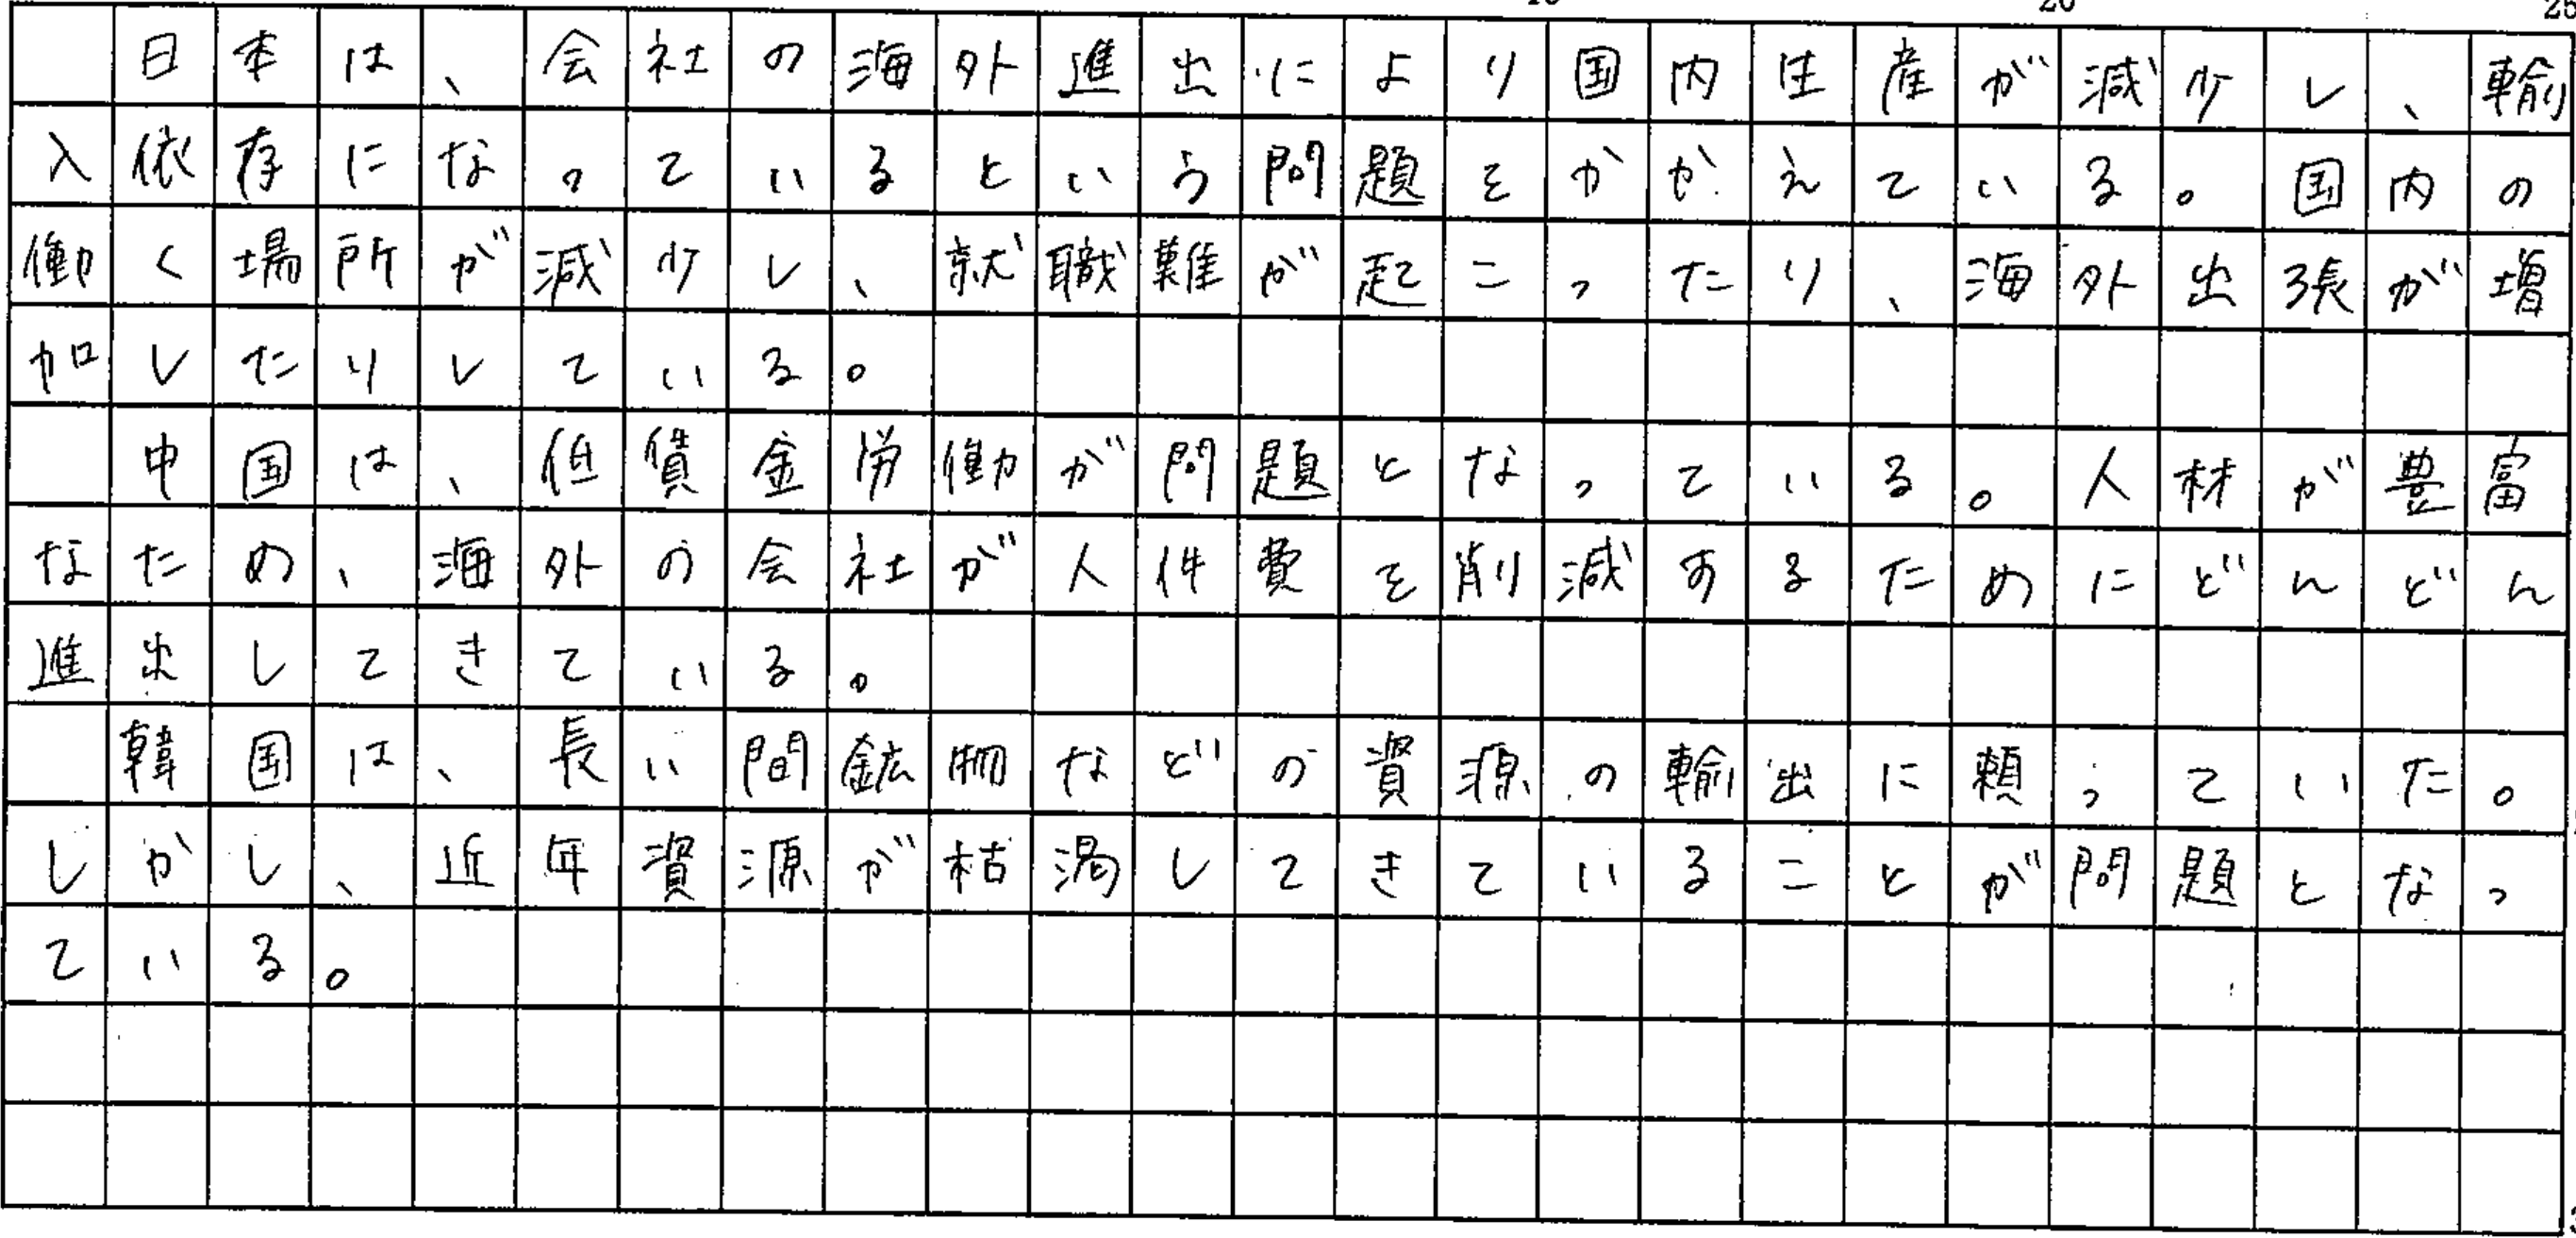　日本は、会社の海外進出により国内生産が減少し、輸入依存になっているという問題をかかえている。国内の働く場所が減少し、就職難が起こったり、海外出張が増加したりしている。
　中国は、低賃金労働が問題となっている。人材が豊富なため、海外の会社が人件費を削減するためにどんどん進出してきている。
　韓国は、長い間鉱物などの資源の輸出に頼っていた。しかし、近年資源が枯渇してきていることが問題となっている。
